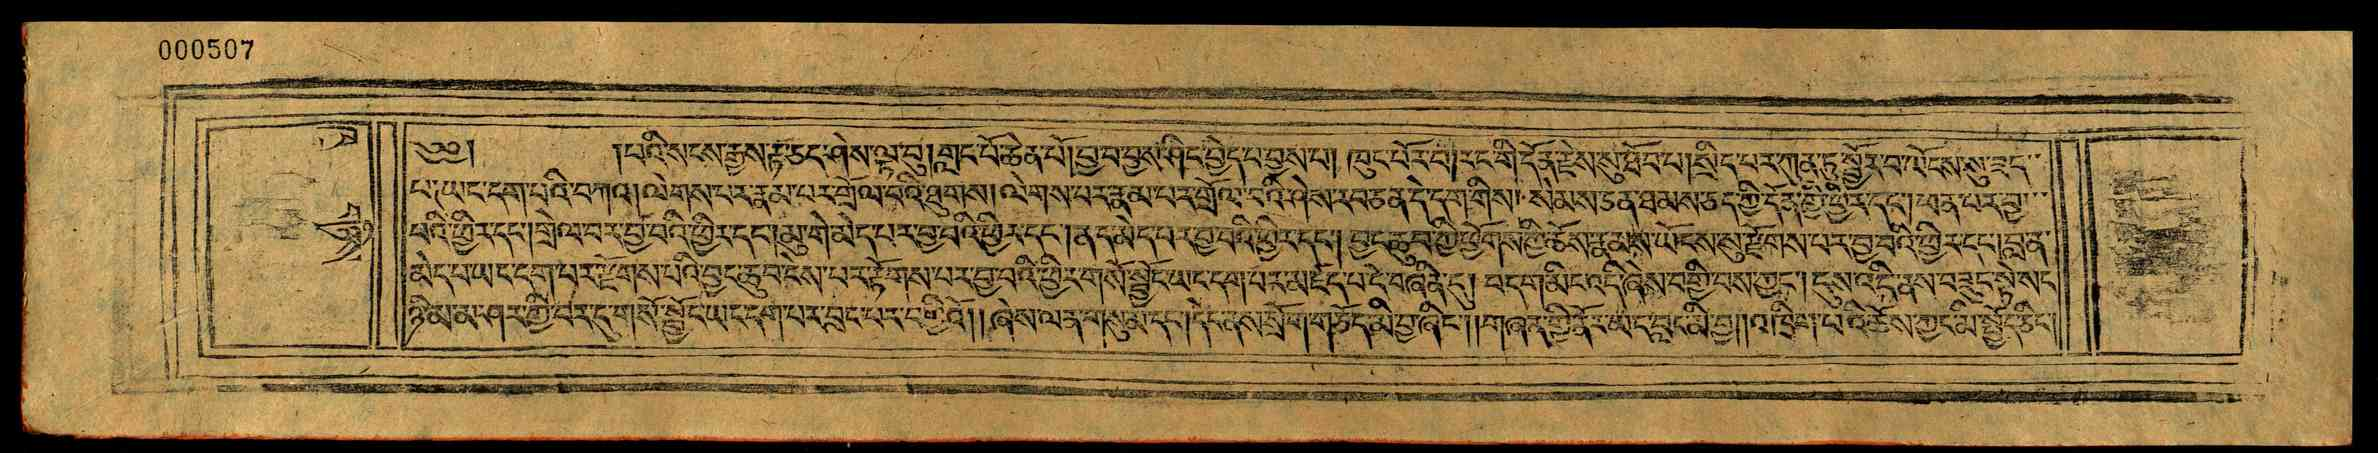༄༅། །པའི་སངས་རྒྱས་རྟ་ཅང་ཤེས་ལྟ་བུ། གླང་པོ་ཆེན་པོ། བྱ་བ་བྱས་ཤིང་བྱེད་པ་བྱས་པ། ཁུར་བོར་བ། རང་གི་དོན་རྗེས་སུ་ཐོབ་པ། སྲིད་པར་ཀུན་ཏུ་སྦྱོར་བ་ཡོངས་སུ་ཟད་
པ༑ ཡང་དག་པའི་བཀའ། ལེགས་པར་རྣམ་པར་གོལ་བའི་ཐུགས། ལེགས་པར་རྣམ་པར་གྲོལ་བའི་ཤེས་རབ་ཅན་དེ་དག་གིས། སེམས་ཅན་ཐམས་ཅད་ཀྱི་དོན་གྱི་ཕྱིར་དང་། ཕན་པར་བྱ་
བའི་ཕྱིར་དག་གྲོལ་བར་བྱ་བའི་ཕྱིར་དང་། མུ་གེ་མང་པར་བྱ་བའི་ཕྱིར་དང་། ནད་མེད་པར་བྱ་བའི་ཕྱིར་དང་། བྱང་ཆུབ་ཀྱི་ཕྱོགས་ཀྱི་ཆོས་རྣམས་ཡོངས་སུ་རྫོགས་པར་བྱ་བའི་ཕྱིར་དང་། བླ་ན་
མེད་པ་ཡང་དག་པར་རྫོགས་པའི་བྱང་ཆུབ་ངེས་པར་རྟོགས་པར་བྱ་བའི་ཕྱིར་གསོ་སྤྱོད་ཡང་དག་པར་མཛད་པ་དེ་བཞིན་ནུ། བདག་མིང་འདི་ཞེས་བགྱི་བས་ཀྱང་། དུས་འདི་ནས་བཟུང་སྟེ་སང་
ཉི་མ་མ་ཤར་གྱི་བར་དུ་གསོ་སྦྱོང་ཡང་དག་པར་བླང་བར་བགྱིའོ། །ཞེས་ལན་གསུམ་དང་། དེང་ནས་སྲོག་གཅད་མི་བྱ་ཞིང་། །གཞན་གྱི་ནོར་ཡང་བླང་མི་བྱ། །འཁྲིག་པའི་ཆོས་ཀྱང་མི་སྤྱོད་ཅིང་།